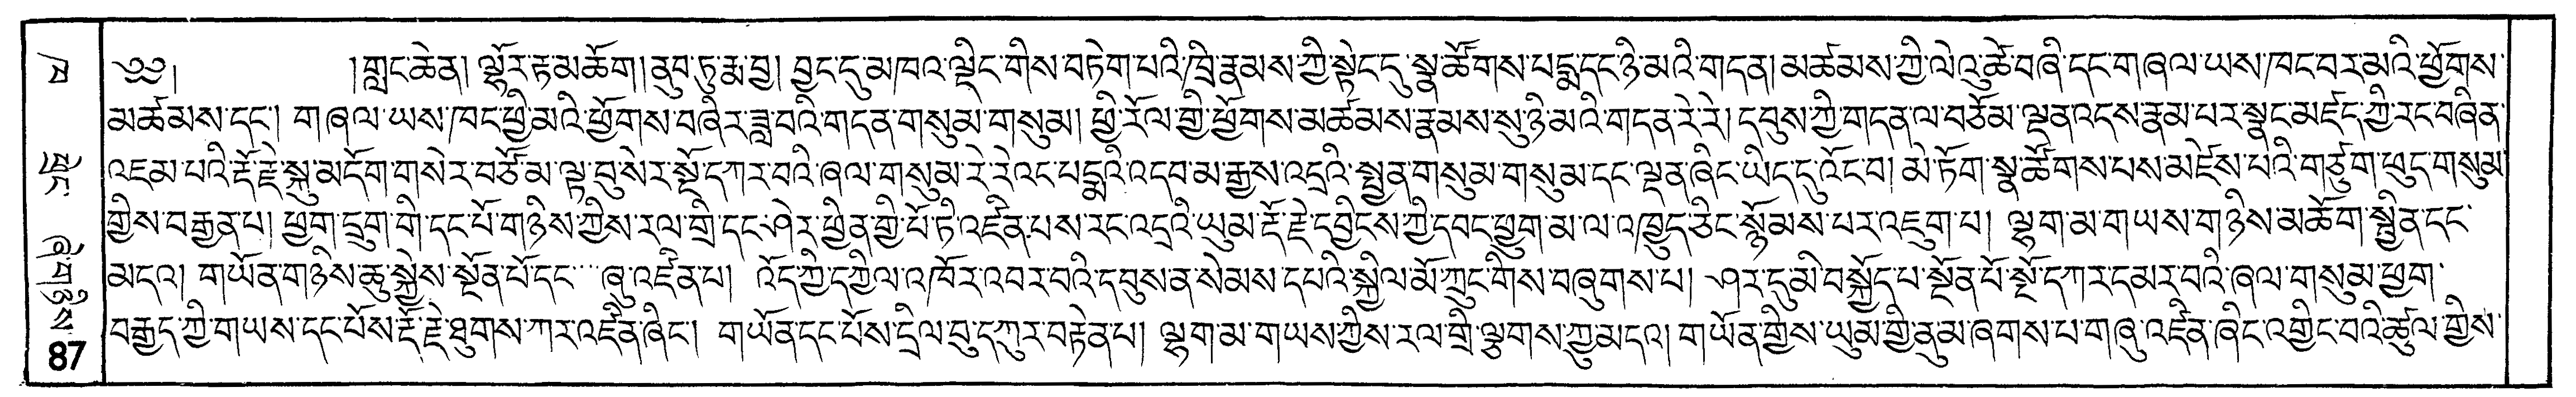༄༅། །གླང་ཆེན། ལྷོར་རྟ་མཆོག །ནུབ་ཏུ་རྨ་བྱ། བྱང་དུ་མཁའ་ལྡིང་གིས་བཏེག་པའི་ཁྲི་རྣམས་ཀྱི་སྟེང་དུ་སྣ་ཚོགས་པདམ་དང་ཉི་མའི་གདན། མཚམས་ཀྱི་ལེའུ་ཚེ་བཞི་དང་གཞལ་ཡས་ཁང་བར་མའི་ཕྱོགས་
མཚམས་དང་། གཞལ་ཡས་ཁང་ཕྱི་མའི་ཕྱོགས་བཞིར་ཟླ་བའི་གདན་གསུམ་གསུམ། ཕྱི་རོལ་གྱི་ཕྱོགས་མཚམས་རྣམས་སུ་ཉི་མའི་གདན་རེ་རེ། དབུས་ཀྱི་གདན་ལ་བཅོམ་ལྡན་འདས་རྣམ་པར་སྣང་མཛད་ཀྱི་རང་བཞིན་
འཇམ་པའི་རྡོ་རྗེ་སྐུ་མདོག་གསེར་བཙོ་མ་ལྟ་བུ་སེར་སྔོ་དཀར་བའི་ཞལ་གསུམ་རེ་རེའང་པདམའི་འདབ་མ་རྒྱས་འདྲའི་སྤྱན་གསུམ་གསུམ་དང་ལྡན་ཞིང་ཡིད་དུ་འོང་བ། མེ་ཏོག་སྣ་ཚོགས་པས་མཛེས་པའི་གཙུག་ཕུད་གསུམ་
གྱིས་བརྒྱན་པ། ཕྱག་དྲུག་གི་དང་པོ་གཉིས་ཀྱིས་རལ་གྲི་དང་ཤེར་ཕྱིན་གྱི་པོ་ཏི་འཛིན་པས་རང་འདྲའི་ཡུམ་རྡོ་རྗེ་དབྱིངས་ཀྱི་དབང་ཕྱུག་མ་ལ་འཁྱུད་ཅིང་སྙོམས་པར་འཇུག་པ། ལྷག་མ་གཡས་གཉིས་མཆོག་སྦྱིན་དང་
མདའ། གཡོན་གཉིས་ཆུ་སྐྱེས་སྔོན་པོ་དང་ཞུ་འཛིན་པ། འོད་ཀྱི་དཀྱིལ་འཁོར་འབར་བའི་དབུས་ན་སེམས་དཔའི་སྐྱིལ་མོ་ཀྲུང་གིས་བཞུགས་པ། ཤར་དུ་མི་བསྐྱོད་པ་སྔོན་པོ་སྔོ་དཀར་དམར་བའི་ཞལ་གསུམ་ཕྱག་
བརྒྱད་ཀྱི་གཡས་དང་པོས་རྡོ་རྗེ་ཐུགས་ཀར་འཛིན་ཞིང་། གཡོན་དང་པོས་དྲིལ་བུ་དཀུར་བརྟེན་པ། ལྷག་མ་གཡས་ཀྱིས་རལ་གྲི་ལྕགས་ཀྱུ་མདའ། གཡོན་གྱིས་ཡུམ་གྱི་ནུ་མ་ཞགས་པ་གཞུ་འཛིན་ཞིང་འགྱིང་བའི་ཚུལ་གྱིས་